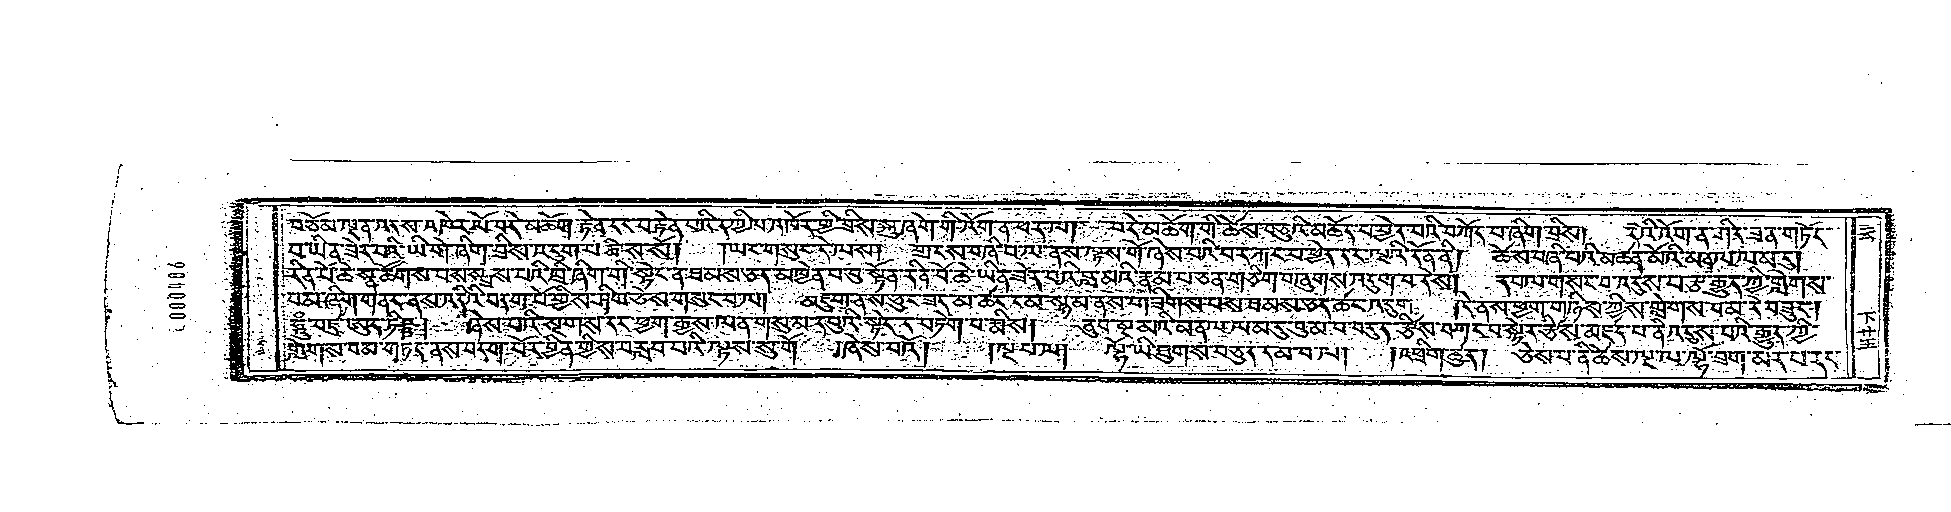བཅོམ་ལྡན་འདས་འཁོར་ལོ་བདེ་མཆོག་རྟེན་དང་བརྟེན་པའི་དཀྱིལ་འཁོར་གྱི་བྲིས་སྐུ་ཞིག་གི་འོག་ན་ཕར་ལ། བདེ་མཆོག་གི་ཚེས་བཅུའི་མཆོད་པ་བྱེད་པའི་བཀོད་པ་ཞིག་བྲིས། དེའི་འོག་ན་ཤིང་ཟན་གཏོང་
བ་ཡིན་ཟེར་བའི་ཡི་གེ་ཞིག་བྲིས་འདུག་པ་རྨིས་སོ། །ཡང་གསུང་དེ་ལས། གྲངས་བཞི་པ་ལ་ནས་ལྟས་གོ་ཞེས་པའི་བར་རྐང་པ་ཕྱེད་དང་ལྔའི་དོན་ནི། ཆོས་བཞི་པའི་མཚན་མོའི་མནལ་ལམ་དུ།
རིན་པོ་ཆེ་སྣ་ཚོགས་པས་སྤྲས་པའི་ཁྲི་ཞིག་གི་སྟེང་ན་ཐམས་ཅད་མཁྱེན་པ་བུ་སྟོན་རིན་པོ་ཆེ་ཡིན་ཟེར་པའི་བླ་མའི་རྣམ་པ་ཅན་གཅིག་བཞུགས་འདུག་བ་ངེས། དཔལ་གསང་བ་འདུས་པ་རྩ་རྒྱུད་ཀྱི་གླེགས་
བམ་ཞིག་གནང་ནས་འདིའི་བདག་པོ་གྱིས་ཤིག་ཅེས་གསུང་བ་ལ། མཇུག་ནས་ཅུང་ཟད་མ་ཚང་དམ་སྙམ་ནས་གཟིགས་པས་ཐམས་ཅད་ཚང་འདུག །དེ་ནས་ཕྱག་གཉིས་ཀྱིས་གླེགས་བམ་དེ་བཟུང་།
ཧཱུཾ་བཛྲ་ཨུང་ཏིཥཊཿཨ། ཞེས་པའི་སྔགས་དང་ཕྱག་རྒྱས་ལན་གསུམ་དཔུའི་སྟེང་ད་བཏེག་པ་རྨིས། ནུབ་སྔ་མའི་མནལ་ལམ་དུ་བུམ་པ་བདུད་རྩིས་བཀང་བ་སྟེར་རྩིས་མཛད་པ་ནི་འདུས་པའི་རྒྱུད་ཀྱི་
གླེགས་བམ་གཏད་ནས་བདག་པོར་བྱིན་གྱིས་བརླབ་པའི་ལྟས་སུ་གོ །ཞེས་པའོ། །ལྔ་པ་ལ། ལྷོ་ཡི་ཐུགས་བཅུད་དམ་བ་ལ། །འཕྲིག་ཆུད། ཅེས་པ་ནི་ཚེས་ལྔ་ལ་ལྷོ་བྲག་མར་པ་རང་